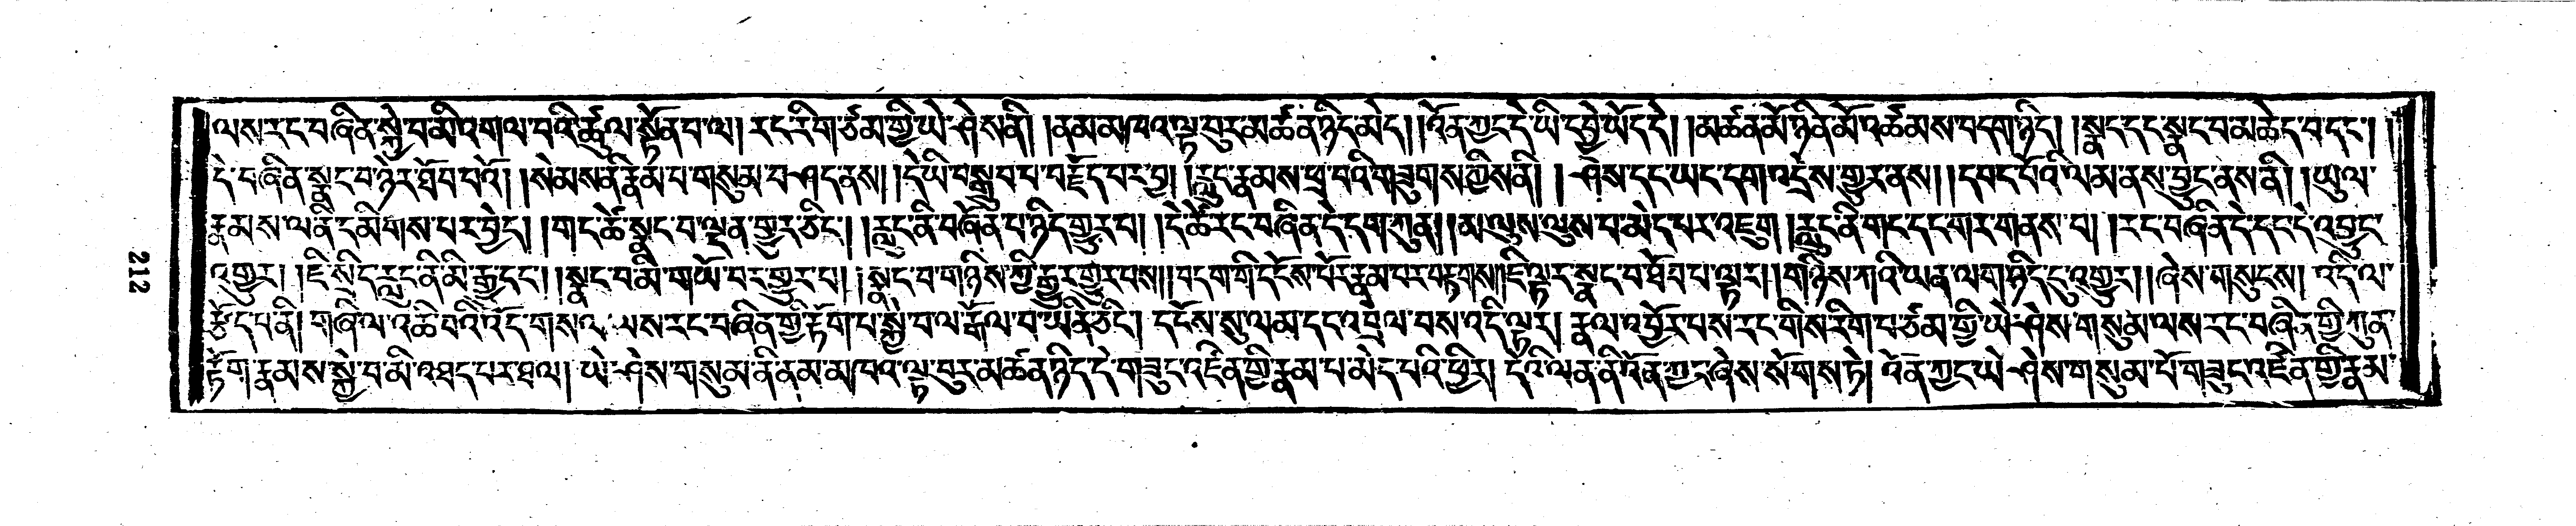ལས་རང་བཞིན་སྐྱེ་བ་མི་འགལ་བའི་ཚུལ་སྟོན་པ་ལ། རང་རིག་ཙམ་གྱི་ཡེ་ཤེས་ནི། །ནམ་མཁའ་ལྟ་བུར་མཚན་ཉིད་མེད། །འོན་ཀྱང་དེ་ཡི་དབྱེ་ཡོད་དེ། །མཚན་མོ་ཉིན་མོ་འཚམས་བདག་ཉིད། །སྣང་དང་སྣང་བ་མཆེད་པ་དང་།
དེ་བཞིན་སྣང་བ་ཉེར་ཐོབ་པའོ། །སེམས་ནི་རྣམ་པ་གསུམ་བཤད་ནས། །དེ་ཡི་བསྒྲུབ་པ་བརྗོད་པར་བྱ། །རླུང་རྣམས་ཕྲ་བའི་གཟུགས་ཀྱིས་ནི། །ཤེས་དང་ཡང་དག་འདྲེས་གྱུར་ནས། །དབང་པོའི་ལམ་ནས་བྱུང་ནས་ནི། །ཡུལ་
རྣམས་ལ་ནི་དམིགས་པར་བྱེད། །གང་ཚེ་སྣང་བ་ལྡན་གྱུར་ཅིང་། །རླུང་ནི་བཞོན་པ་ཉིད་གྱུར་པ། །དེ་ཚེ་རང་བཞིན་དེ་དག་ཀུན། །མ་ལུས་ལུས་པ་མེད་པར་འཇུག །རླུང་ནི་གང་དང་གར་གནས་པ། །རང་བཞིན་དེ་དང་དེ་འབྱུང་
འགྱུར། །ཇི་སྲིད་རླུང་ནི་མི་རྒྱུ་དང་། །སྣང་བ་མི་གཡོ་བར་གྱུར་པ། །སྣང་བ་གཉིས་ཀྱི་རྒྱུར་གྱུར་པས། །བདག་གི་དངོས་པོར་རྣམ་པར་བརྟགས། །ཇི་ལྟར་སྣང་བ་ཐོབ་པ་ལྟར། །གཉིས་ཀའི་ཡན་ལག་ཉིད་དུ་འགྱུར། །ཞེས་གསུངས། འདི་ལ་
རྩོད་པ་ནི། གཞི་ལ་འཆི་བའི་འོད་གསལ་ལས་རང་བཞིན་གྱི་རྟོག་པ་སྐྱེ་བ་ལ་རྒོལ་བ་ཡིན་ཅིང་། དངོས་སུ་ལམ་དང་འབྲེལ་བས་འདི་ལྟར། རྣལ་འབྱོར་པས་རང་གིས་རིག་པ་ཙམ་གྱི་ཡེ་ཤེས་གསུམ་ལས་རང་བཞིན་གྱི་ཀུན་
རྟོག་རྣམས་སྐྱེ་བ་མི་འཐད་པར་ཐལ། ཡེ་ཤེས་གསུམ་ནི་ནམ་མཁའ་ལྟ་བུར་མཚན་ཉིད་དེ་གཟུང་འཛིན་གྱི་རྣམ་པ་མེད་པའི་ཕྱིར། དེའི་ལན་ནི་འོན་ཀྱང་ཞེས་སོགས་ཏེ། འོན་ཀྱང་ཡེ་ཤེས་གསུམ་པོ་གཟུང་འཛིན་གྱི་རྣམ་